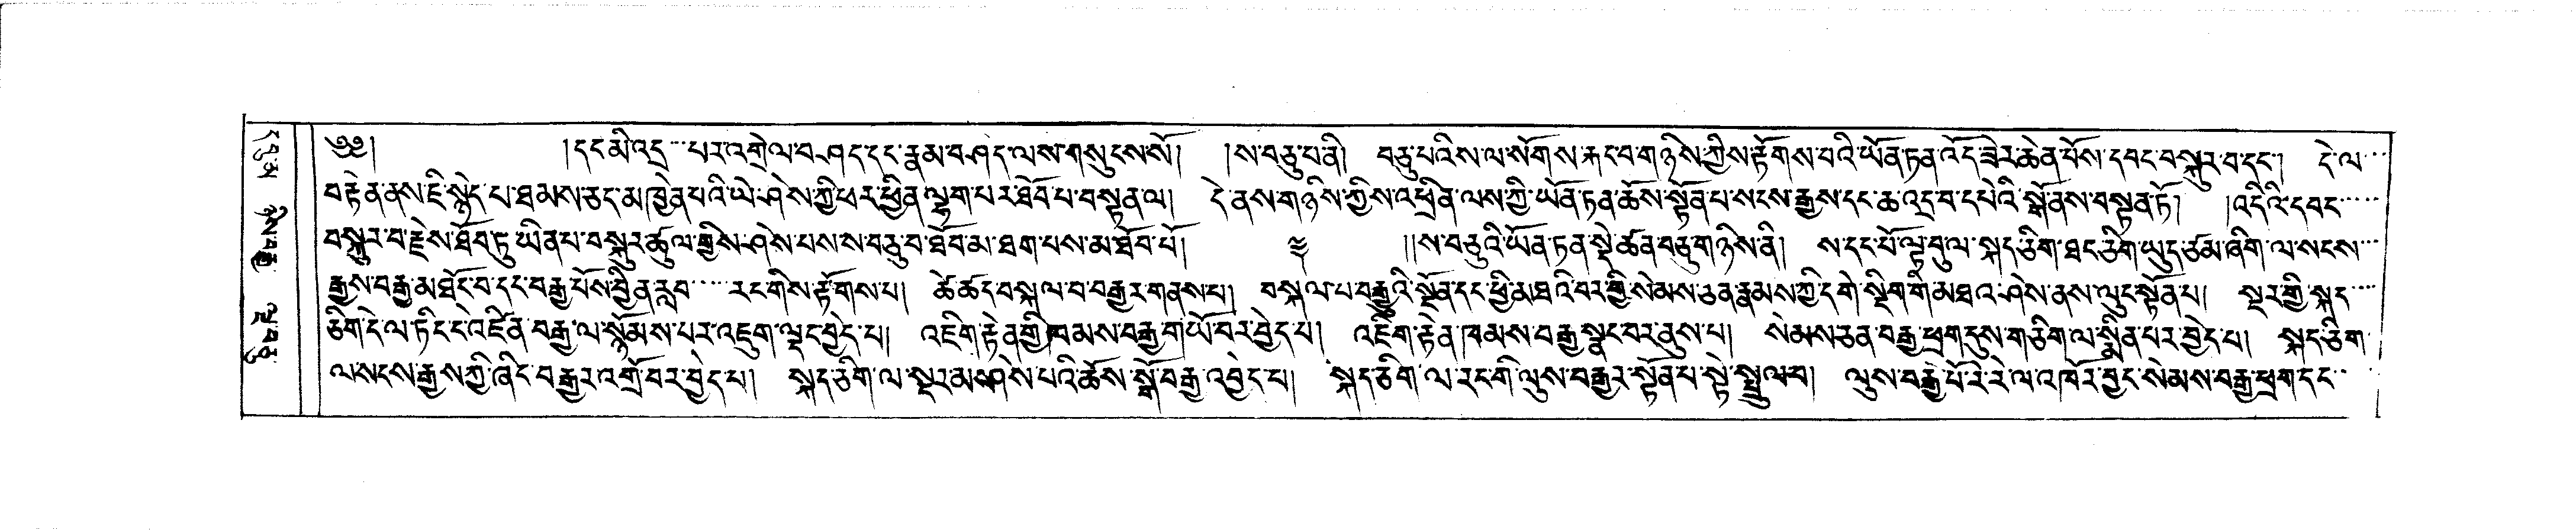༄༅། །དང་མི་འདྲ་པར་འགྲེལ་བཤད་དང་རྣམ་བཤད་ལས་གསུངས་སོ། །ས་བཅུ་པ་ནི། བཅུ་པའི་ས་ལ་སོགས་རྐང་བ་གཉིས་ཀྱིས་རྟོགས་པའི་ཡོན་ཏན་འོད་ཟེར་ཆེན་པོས་དབང་བསྐུར་བ་དང་། དེ་ལ་
བརྟེན་ནས་ཇི་སྙེད་པ་ཐམས་ཅད་མཁྱེན་པའི་ཡེ་ཤེས་ཀྱི་ཕར་ཕྱིན་ལྷག་པར་ཐོབ་པ་བསྟན་ལ། དེ་ནས་གཉིས་ཀྱིས་འཕྲིན་ལས་ཀྱི་ཡོན་ཏན་ཆོས་སྟོན་པ་སངས་རྒྱས་དང་ཆ་འདྲ་བ་དཔེའི་སྒོ་ནས་བསྟན་ཏོ། །འདིའི་དབང་
བསྐུར་བ་རྗེས་ཐོབ་ཏུ་ཡིན་པ་བསྐུར་ཚུལ་གྱིས་ཤེས་པས་ས་བཅུ་བ་ཐོབ་མ་ཐག་པས་མ་ཐོབ་པོ། ༈ །།ས་བཅུའི་ཡོན་ཏན་སྡེ་ཚན་བཅུ་གཉིས་ནི། ས་དང་པོ་ལྟ་བུ་ལ་སྐད་ཅིག་ཐང་ཅིག་ཡུད་ཙམ་ཞིག་ལ་སངས་
རྒྱས་བརྒྱ་མཐོང་བ་དང་བརྒྱ་པོས་བྱིན་རླབ་རང་གིས་རྟོགས་པ། ཚེ་ཚད་བསྐལ་བ་བརྒྱར་གནས་པ། བསྐལ་པ་བརྒྱུའི་སྔོན་དང་ཕྱི་མཐའི་བར་གྱི་སེམས་ཅན་རྣམས་ཀྱི་དགེ་སྡིག་གི་མཐའ་ཤེས་ནས་ལུང་སྟོན་པ། སྔར་གྱི་སྐད་
ཅིག་དེ་ལ་ཏིང་ངེ་འཛིན་བརྒྱ་ལ་སྙོམས་པར་འཇུག་ལྡང་བྱེད་པ། འཇིག་རྟེན་གྱི་ཁམས་བརྒྱ་གཡོ་བར་བྱེད་པ། འཇིག་རྟེན་ཁམས་བརྒྱ་སྣང་བར་ནུས་པ། སེམས་ཅན་བརྒྱ་ཕྲག་དུས་གཅིག་ལ་སྨིན་པར་བྱེད་པ། སྐད་ཅིག་
ལ་སངས་རྒྱས་ཀྱི་ཞིང་བརྒྱར་འགྲོ་བར་བྱེད་པ། སྐད་ཅིག་ལ་སྔར་མ་ཤེས་པའི་ཆོས་སྒོ་བརྒྱ་འབྱེད་པ། སྐད་ཅིག་ལ་རང་གི་ལུས་བརྒྱར་སྟོན་པ་སྟེ་སྤྲུལ་བ། ལུས་བརྒྱ་པོ་རེ་རེ་ལ་འཁོར་བྱང་སེམས་བརྒྱ་ཕྲག་དང་